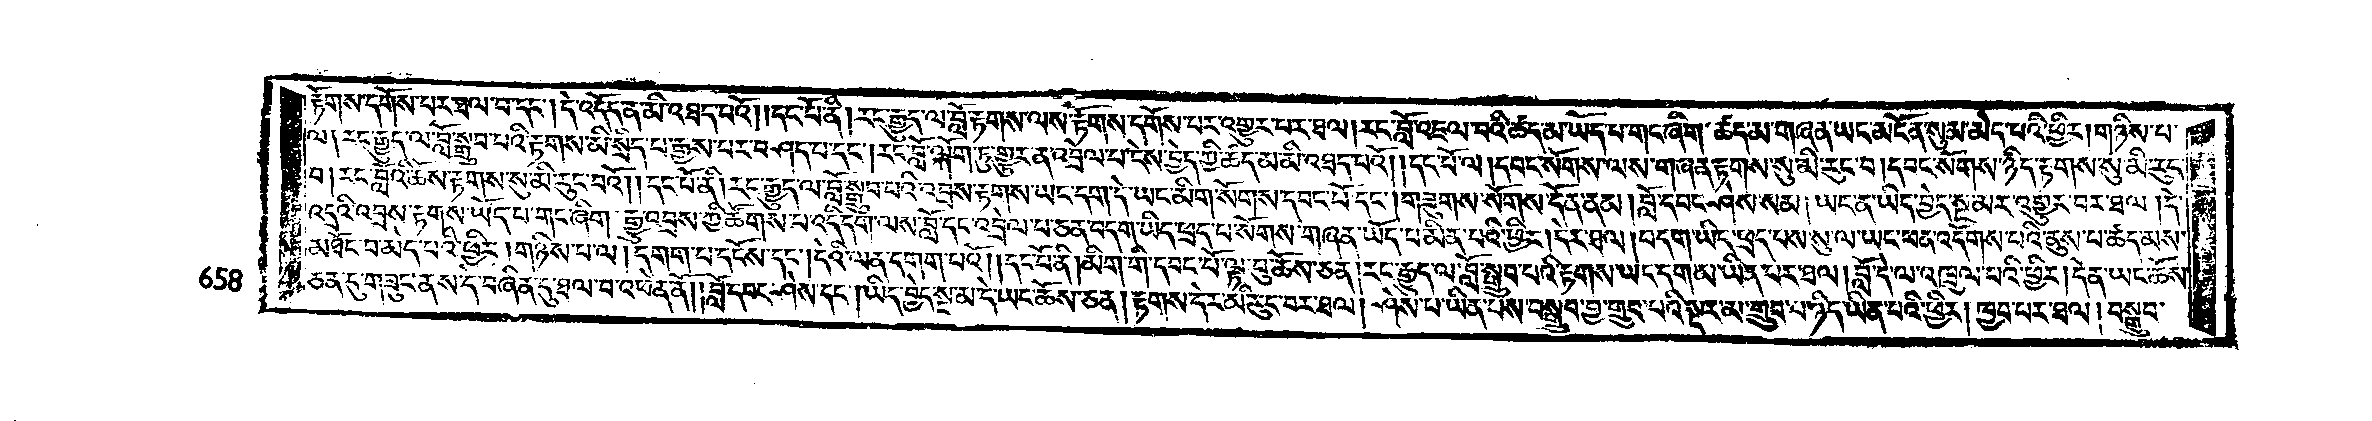རྟོགས་དགོས་པར་ཐལ་བ་དང་། དེ་འདོད་ན་མི་འཐད་པའོ། །དང་པོ་ནི། རང་རྒྱུད་ལ་བློ་རྟགས་ལས་རྟོགས་དགོས་པར་འགྱུར་པར་ཐལ། རང་བློ་འཇལ་བའི་ཚད་མ་ཡོད་པ་གང་ཞིག་ཚད་མ་གཞན་ཡང་མངོན་སུམ་མེད་པའི་ཕྱིར། གཉིས་པ་
ལ། རང་རྒྱུད་ལ་བློ་སྒྲུབ་པའི་རྟགས་མི་སྲིད་པ་རྒྱས་པར་བཤད་པ་དང་། རང་བློ་ལྐོག་ཏུ་གྱུར་ན་འབྲེལ་པ་ངེས་བྱེད་ཀྱི་ཚད་མ་མི་འཐད་པའོ། །དང་པོ་ལ། དབང་སོགས་ལས་གཞན་རྟགས་སུ་མི་རུང་བ། དབང་སོགས་ཉིད་རྟགས་སུ་མི་རུང་
བ། རང་བློའི་ཆོས་རྟགས་སུ་མི་རུང་བའོ། །དང་པོ་ནི། རང་རྒྱུད་ལ་བློ་སྒྲུབ་པའི་འབྲས་རྟགས་ཡང་དག་དེ་ཡང་མིག་སོགས་དབང་པོ་དང་། གཟུགས་སོགས་དོན་ནམ། བློ་དབང་ཤེས་སམ། ཡང་ན་ཡིད་བྱེད་སྔ་མར་འགྱུར་བར་ཐལ། དེ་
འདྲའི་འབྲས་རྟགས་ཡོད་པ་གང་ཞིག་རྒྱུ་འབྲས་ཀྱི་ཚོགས་པ་འདི་དག་ལས་བློ་དང་འབྲེལ་པ་ཅན་བདག་ཡིད་ཕྲད་པ་སོགས་གཞན་ཡོད་པ་མིན་པའི་ཕྱིར། དེར་ཐལ། བདག་ཡིད་ཕྲད་པས་སུ་ལ་ཡང་ཕན་འདོགས་པའི་ནུས་པ་ཚད་མས་
མཐོང་བ་མེད་པའི་ཕྱིར། གཉིས་པ་ལ། དགག་པ་དངོས་དང་། དེའི་ལན་དགག་པའོ། །དང་པོ་ནི། མིག་གི་དབང་པོ་ལྟ་བུ་ཆོས་ཅན། རང་རྒྱུད་ལ་བློ་སྒྲུབ་པའི་རྟགས་ཡང་དག་མ་ཡིན་པར་ཐལ། བློ་དེ་ལ་འཁྲུལ་པའི་ཕྱིར། དོན་ཡང་ཆོས་
ཅན་དུ་གཟུང་ནས་དེ་བཞིན་དུ་ཐལ་བ་འཕེན་ནོ། །བློ་དབང་ཤེས་དང་། ཡིད་བྱེད་སྔ་མ་དེ་ཡང་ཆོས་ཅན། རྟགས་དེར་མི་རུང་བར་ཐལ། ཤེས་པ་ཡིན་པས་བསྒྲུབ་བྱ་གྲུབ་པའི་སྔར་མ་གྲུབ་པ་ཉིད་ཡིན་པའི་ཕྱིར། ཁྱབ་པར་ཐལ། བསྒྲུབ་